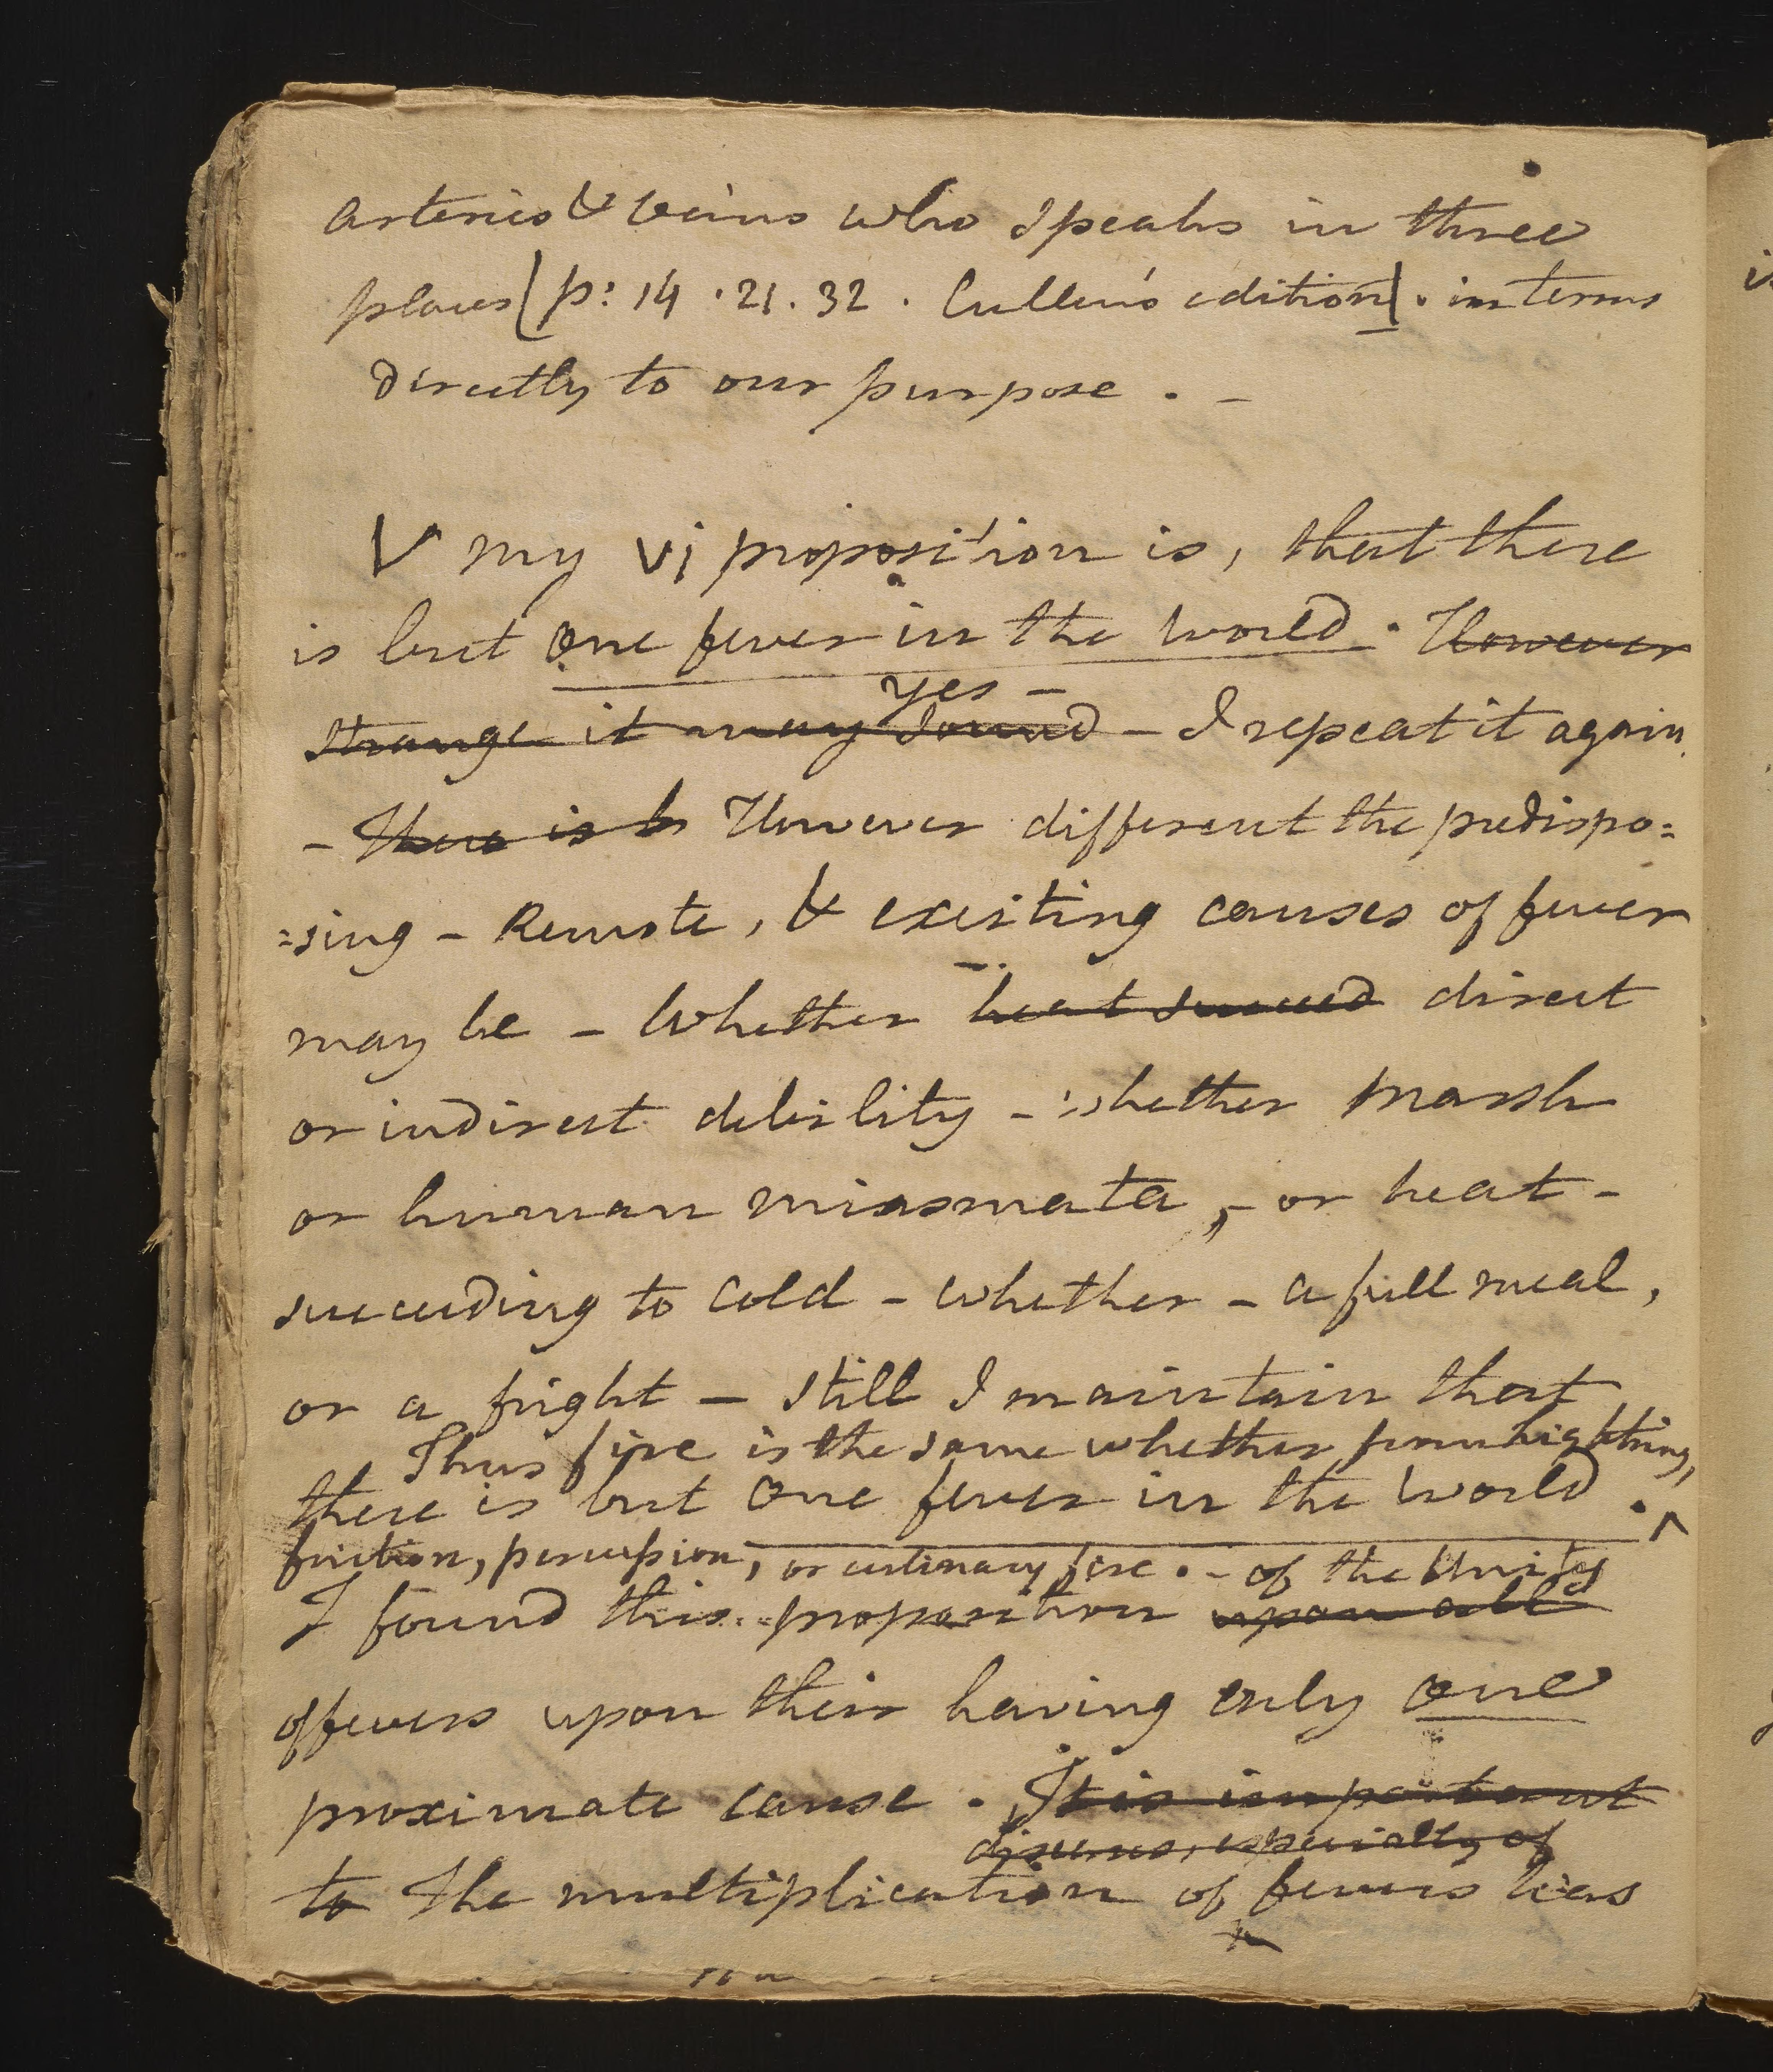arteries & veins who speaks in three
places (p. 14, 21, 32 Cullen's edition) in terms
directly to our purpose.
V My VI proposition is, that there
is but one fever in the world. [However]
yes
[strange it may seem]- I repeat it again
[There is t] However different the predispo-
-sing, remote, & existing causes of fever
may be, whether [heat seemed] direct
or indirect debility, whether marsh
or human miasmata, or heat,
succeeding to cold- whether- a full meal
or a fright- still I maintain that
This fire is the same whether from lightning,
there is but one fever in the world
friction, percession, or ordinary fire. of the unity
I found this proposition [upon all]
of fevers upon their having only one
proximate cause. [It is important]
to the multiplication of fevers was